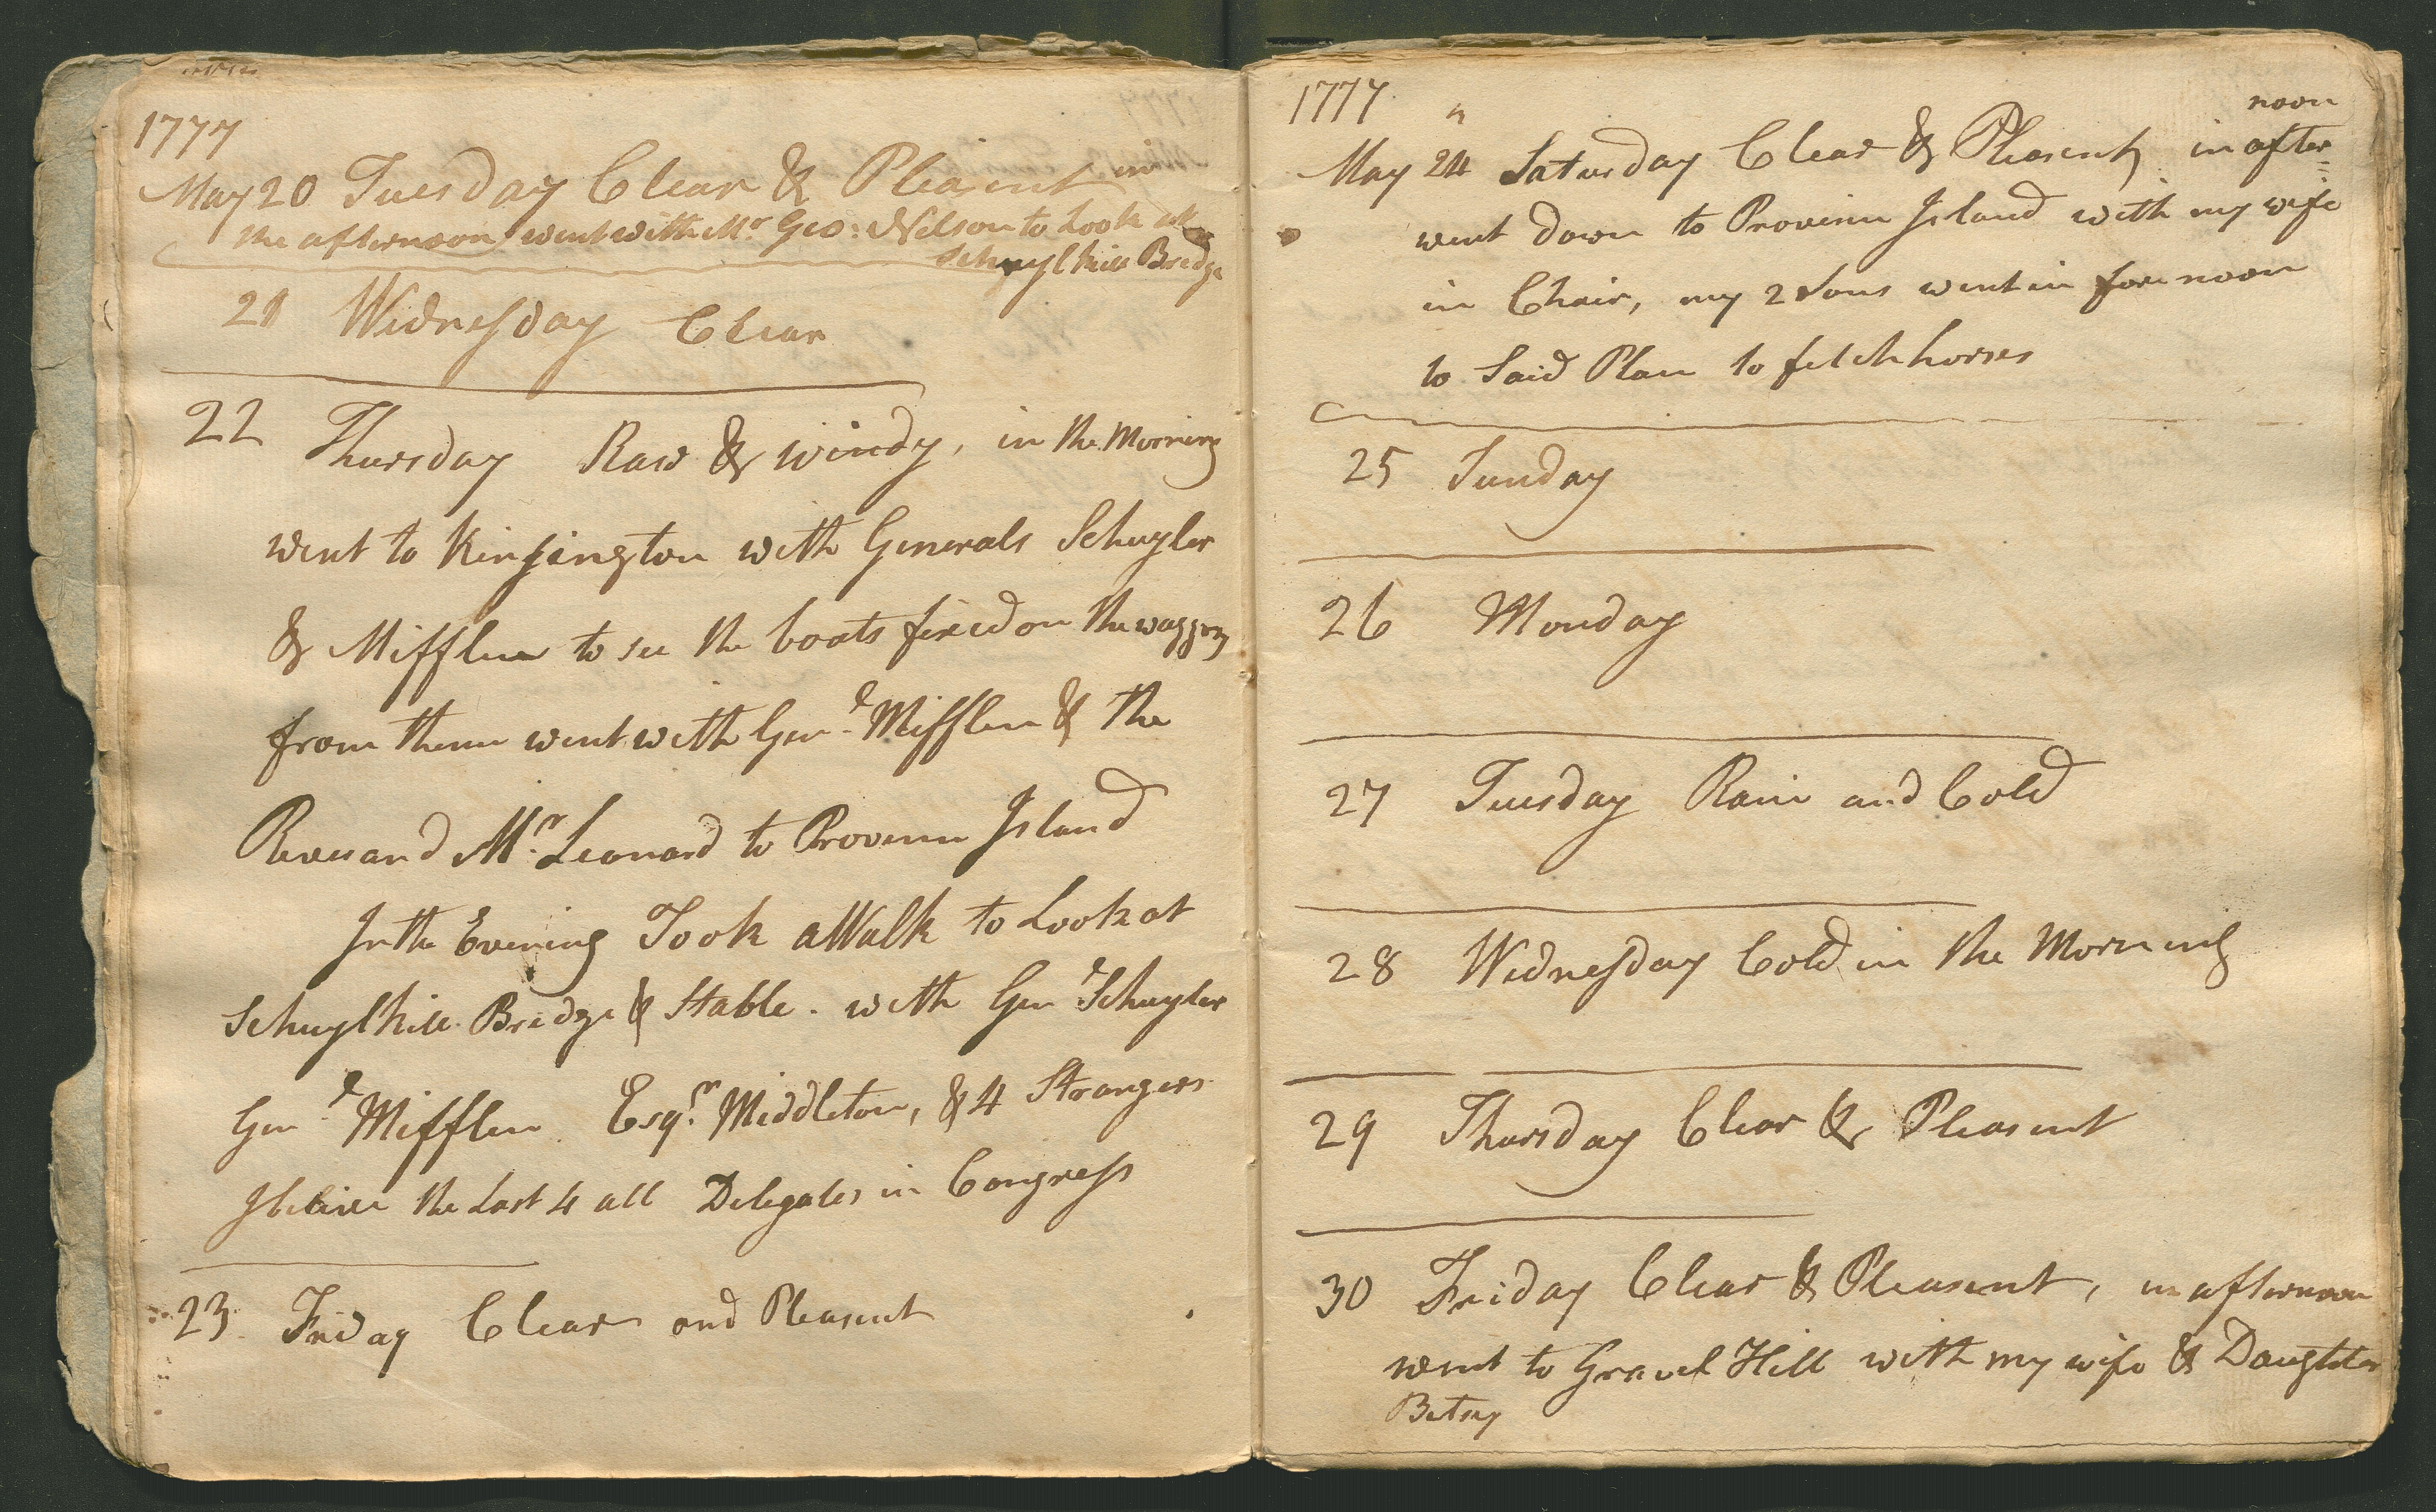1777
May 20 Tuesday Clear & Pleaent in
the afternoon went with M^r. Geo: Nelson to Look at
Schuylkill Bridge
21 Wednesday Clear
22 Thursday Raw & windy, in the Morning
went to Kinzington with Generals Schuyler
& Mifflin to see the boats fixed on the waggon
from thence went with Gen^l. Mifflin & the
Reverand M^r. Leonard to Provence Island
In the Evening Took a Walk to Look at
Schuylkill Bridge & Stable. with Gen^l. Schuyler
Gen^l Mifflin Esq^r. Middleton, & 4 Strangers
I belive the Last 4 all Delegates in Congress
23 Friday Clear and Pleasent
1777
noon
May 24^th Saturday Clear & Pleasent in after
went down to Province Island with my wife
in Chair, my 2 sons went in fore noon
to said Place to fetch horses
25 Sunday
26 Monday
27 Tuesday Rain and Cold
28 Wednesday Cold in the Morning
29 Thursday Clear & Pleasent
30 Friday Clear & Pleasent, in afternoon
went to Gravel Hell with my wife & Daughater
Betsy